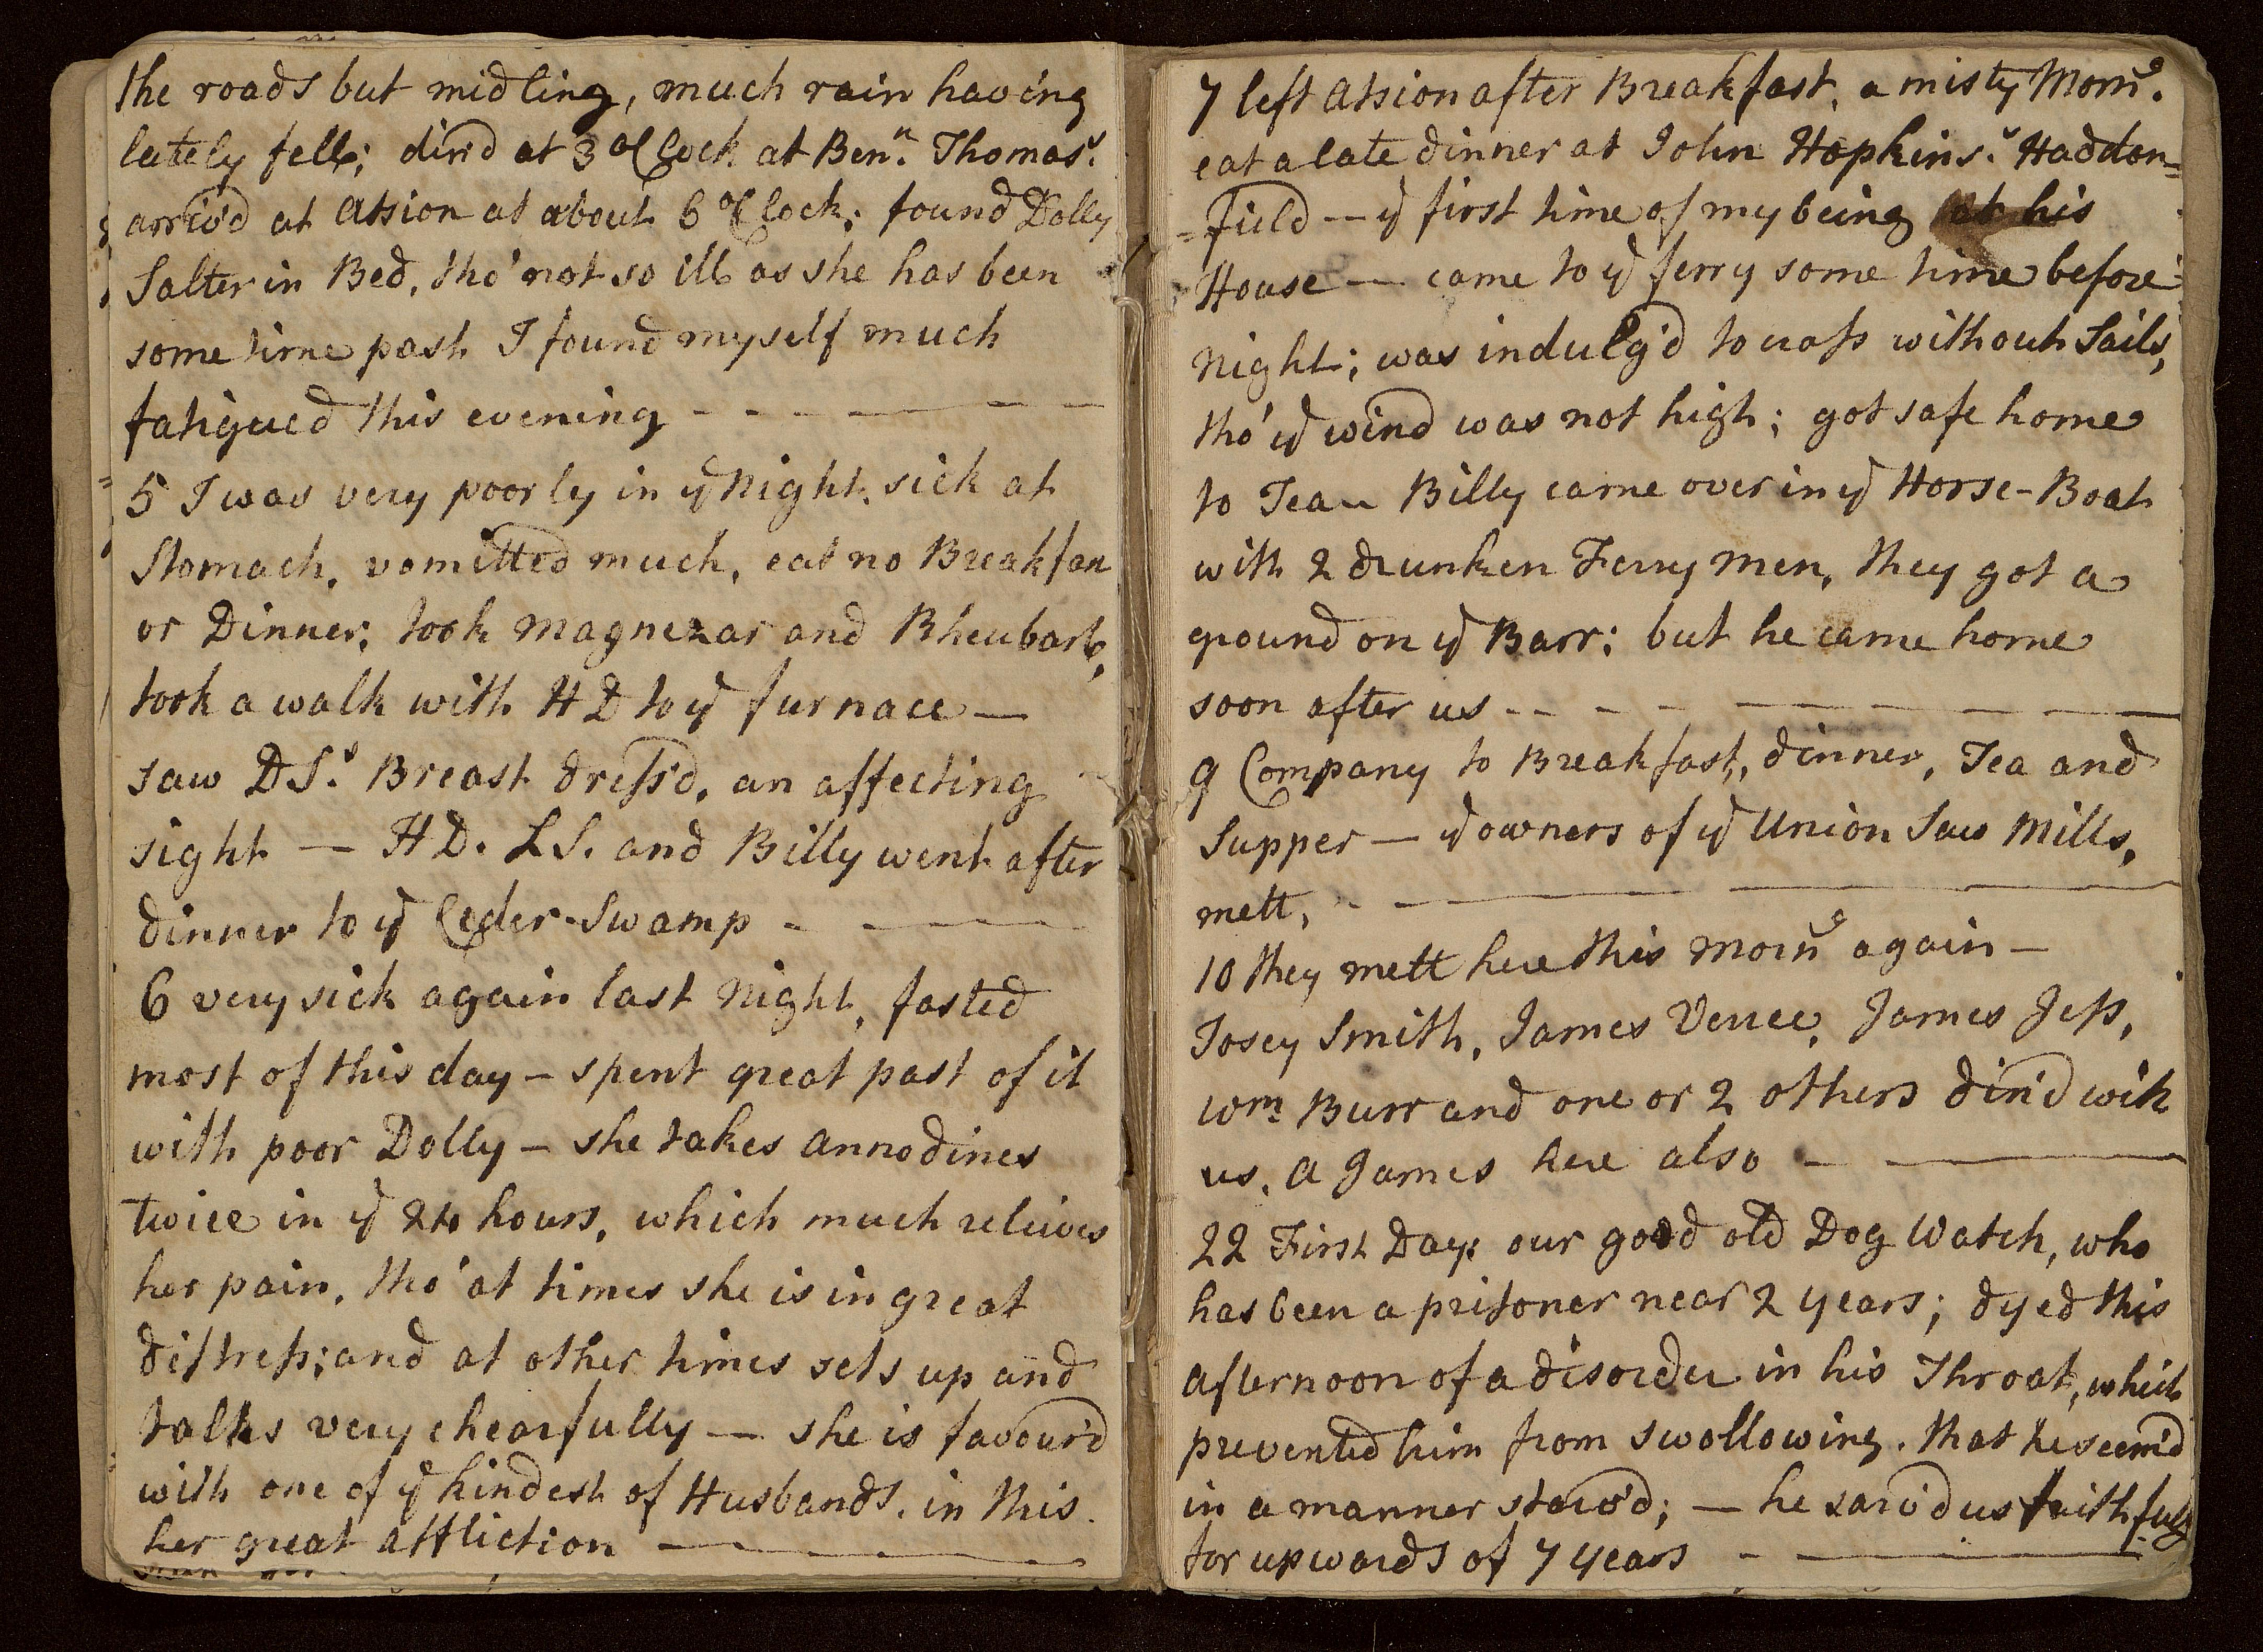the roads but midling, much rain having
lately fell; din'd at 3 ^o Clock at Ben^n. Thomas^s.
arriv'd at Atsion at about 6 ^o Clock; found Dolly
Salter in Bed, tho' not so ill as she has been.
sometimes past I found myself much
fatigued this evening---
5 I was very poorly in y^e night, sick at
Stomach, vomitted much, eat no Breakfan
or Dinner: took magnezar and Rheubarb,
tork a walk with HD to y^e furnance-
saw DS^s. Breast dress'd, an affecting
sight- HD. LS. and Billy went after
dinner to y^e Ceder-Swamp- ---
6 very sick again last night, fasted
most of this day- spent great part of it
with poor Dolly- she takes Annodines
twice in y^e 24 hours, which much releives
her pain, tho' at times she is in great
distress; and at other times sets up and
talks very chearfully- she is favour'd
with one of y^e kindest of Husbands, in this
her great affliction-
7 left Atsion after Breakfast, a misty morn.^g
eat a late dinner at John Hopkins^s Haddon-
-field- y^e first time of my being at his
House- came to y^e ferry some time before
Night; was indulg'd to cross without Sails,
tho' y^e wind was not high; got safe home
to Jean Billy came over in y^e Horse-Boat
with 2 drunken Ferry men, they got a
ground on y^e Barr: but he came home
soon after us---
9 Company to Breakfast, dinner, Tea and
Supper- y^e owners of y^e Union Saw Mills
mett,
10 they mett here this morn^g again-
Josey Smith, James Venee, James Jess,
W^m Burr and one or 2 others din'd with
us, A James here also
22 First Day our good old Dog Watch, who
has been a prisoner near 2 years; dyed this
afternoon of a disorder in his Throat, which
prevented him from swollowing. that he seem'd
in a manner starv'd;- he [sarv'd] us faithfuly
for upwards of 7 years